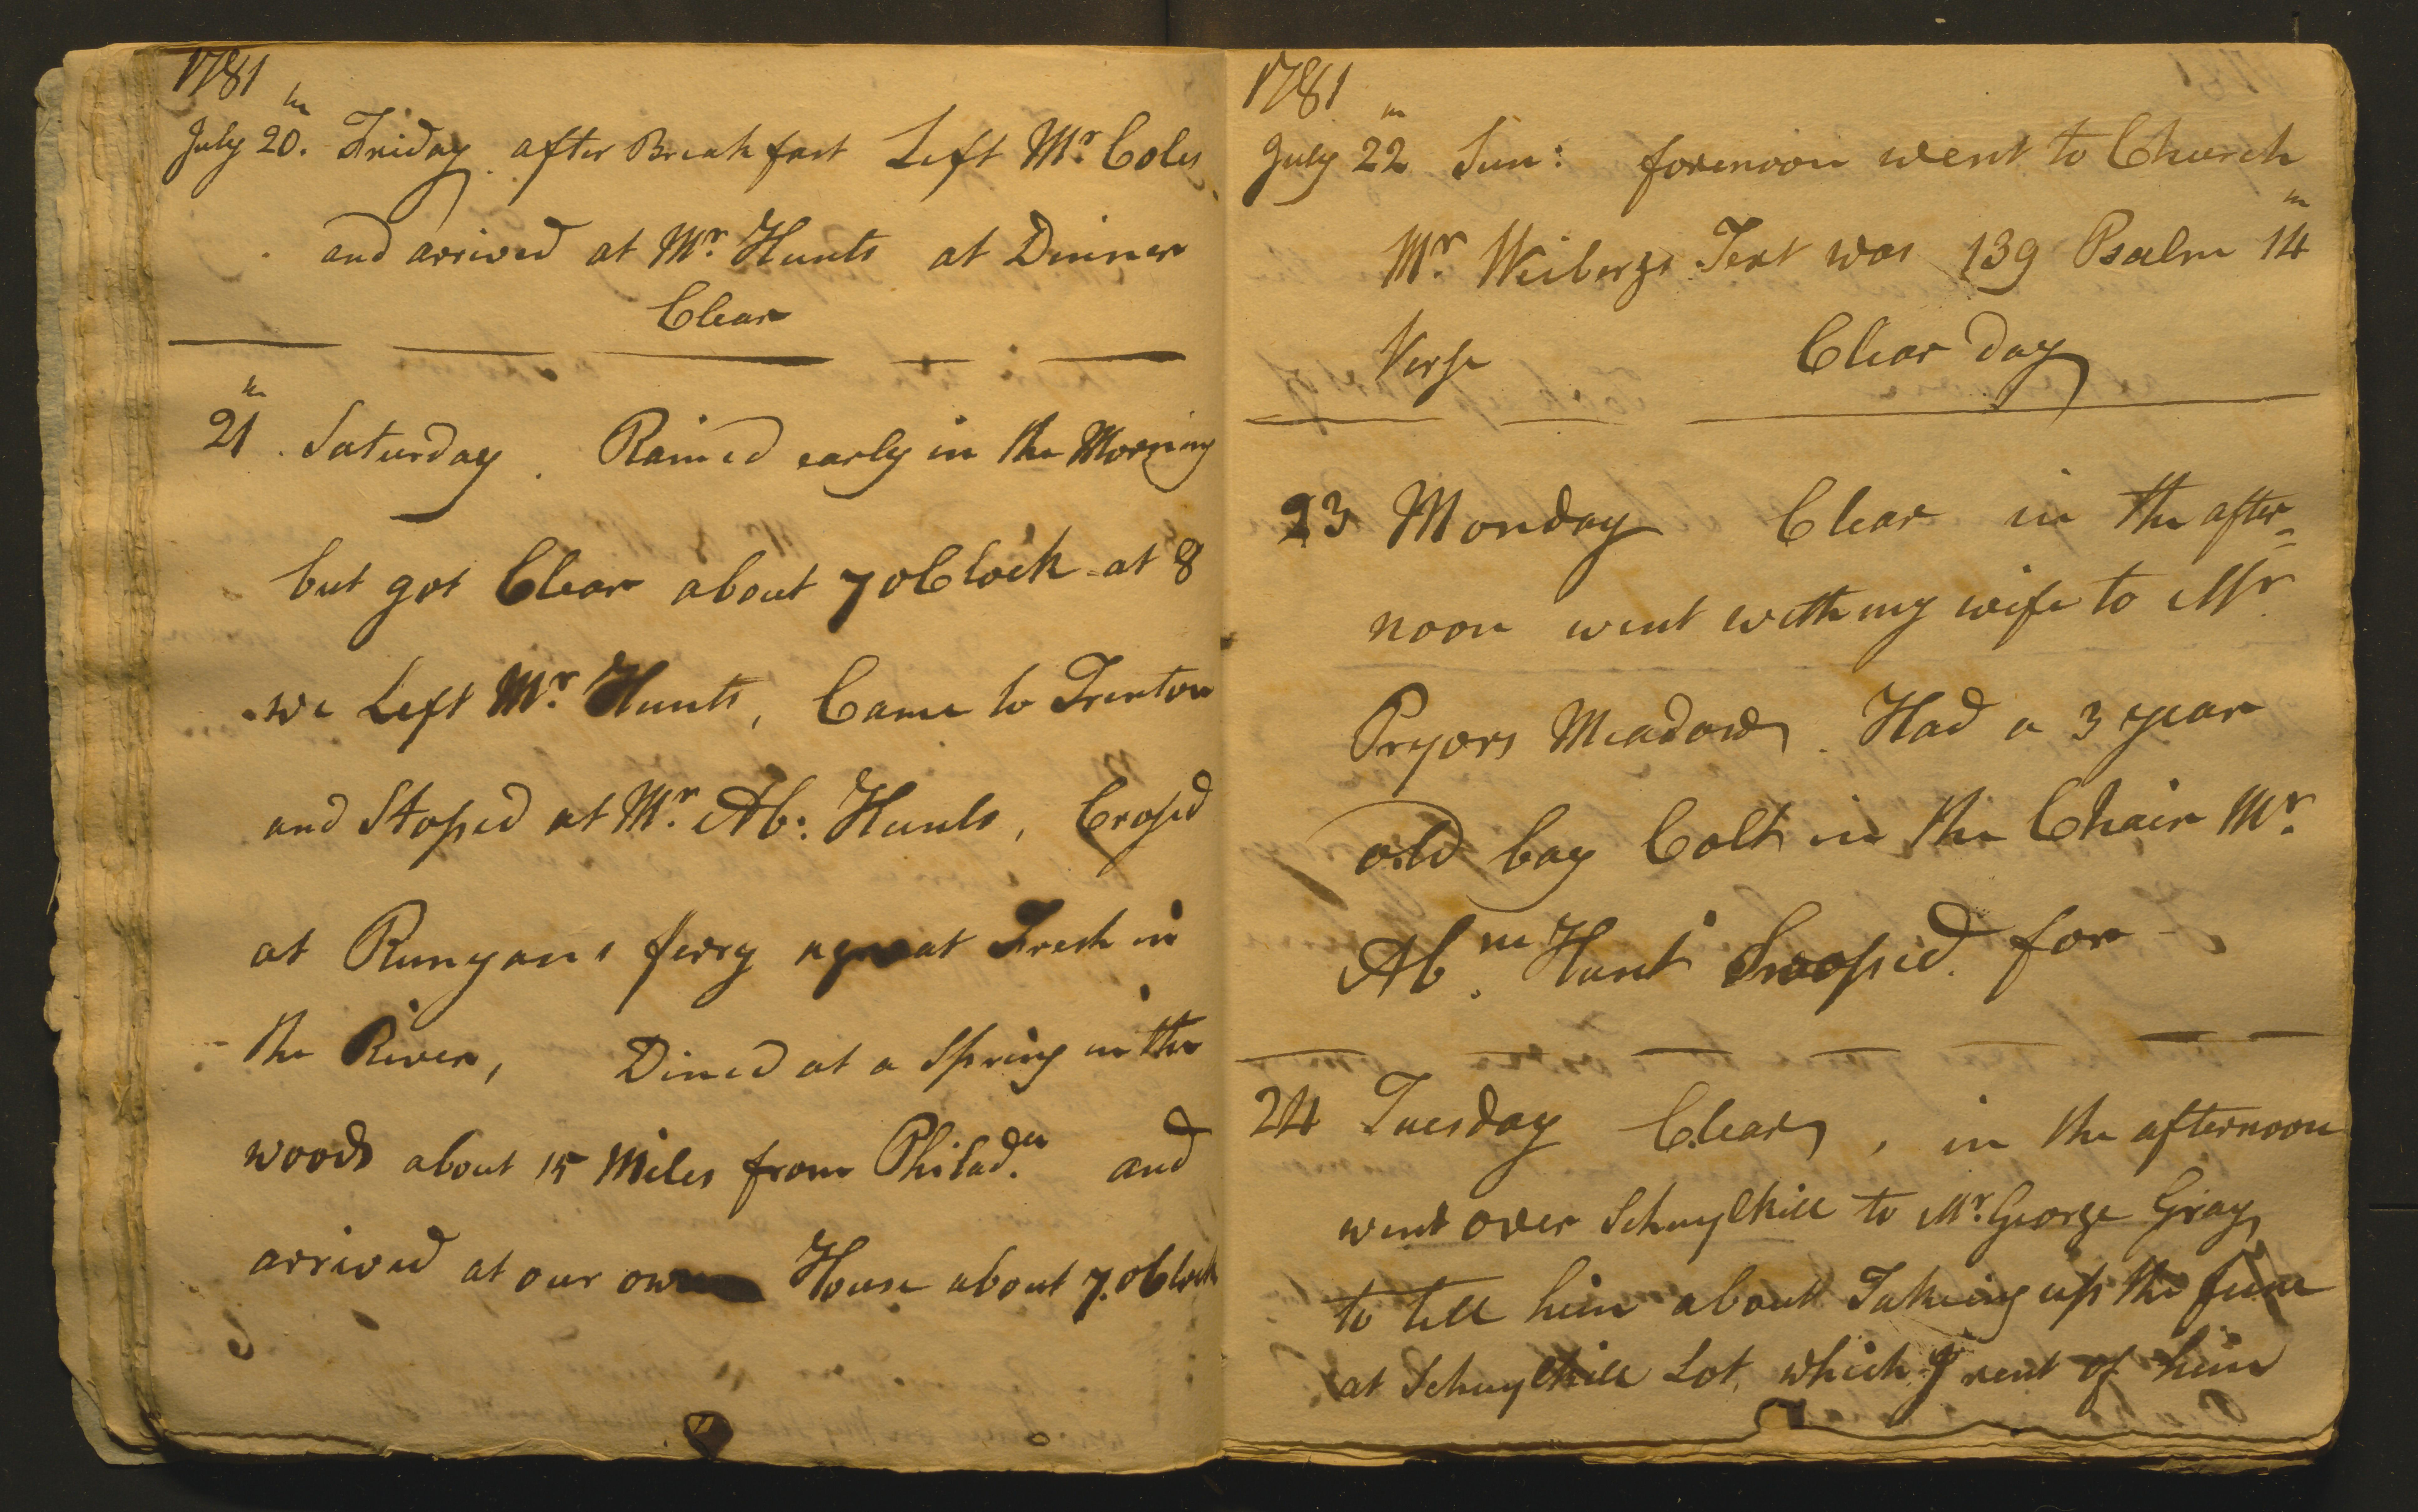1781
July 20^th. Friday after Breakfast Left M^r. Coles
and arrived at M^r. Hunts at Dinner
Clear
21^th. Saturday Rained early in the Morning
but got Clear about 7 oClock at 8
we Left M^r. Hunts Came to Trenton
and Stoped at M^r. Ab: Hunts. Crosed
at Runyans ferry a great Fresh in
the River, Dined at a spring in the
woord about 15 Miles from Philad^a. and
arrived at our own House about 7 oClock.
1781
July 22^th Sun: forenoon went to Church
M^r. Weibergs Text was 139 Psalm 14^th
Verse
Clear day
23 Monday Clear in the after-
noon went with my wife to M^r.
Pryors Meadow Had a 3 year
oold bay Colt in the Chair M^r.
Ab^m Hunt Trooped for
24 Tuesday Clear, in the afternoon
went over Schuylkill to M^r. George Gray
to tell hem about Takeing up the fine
at Schuylkill Lot, which I rent of him